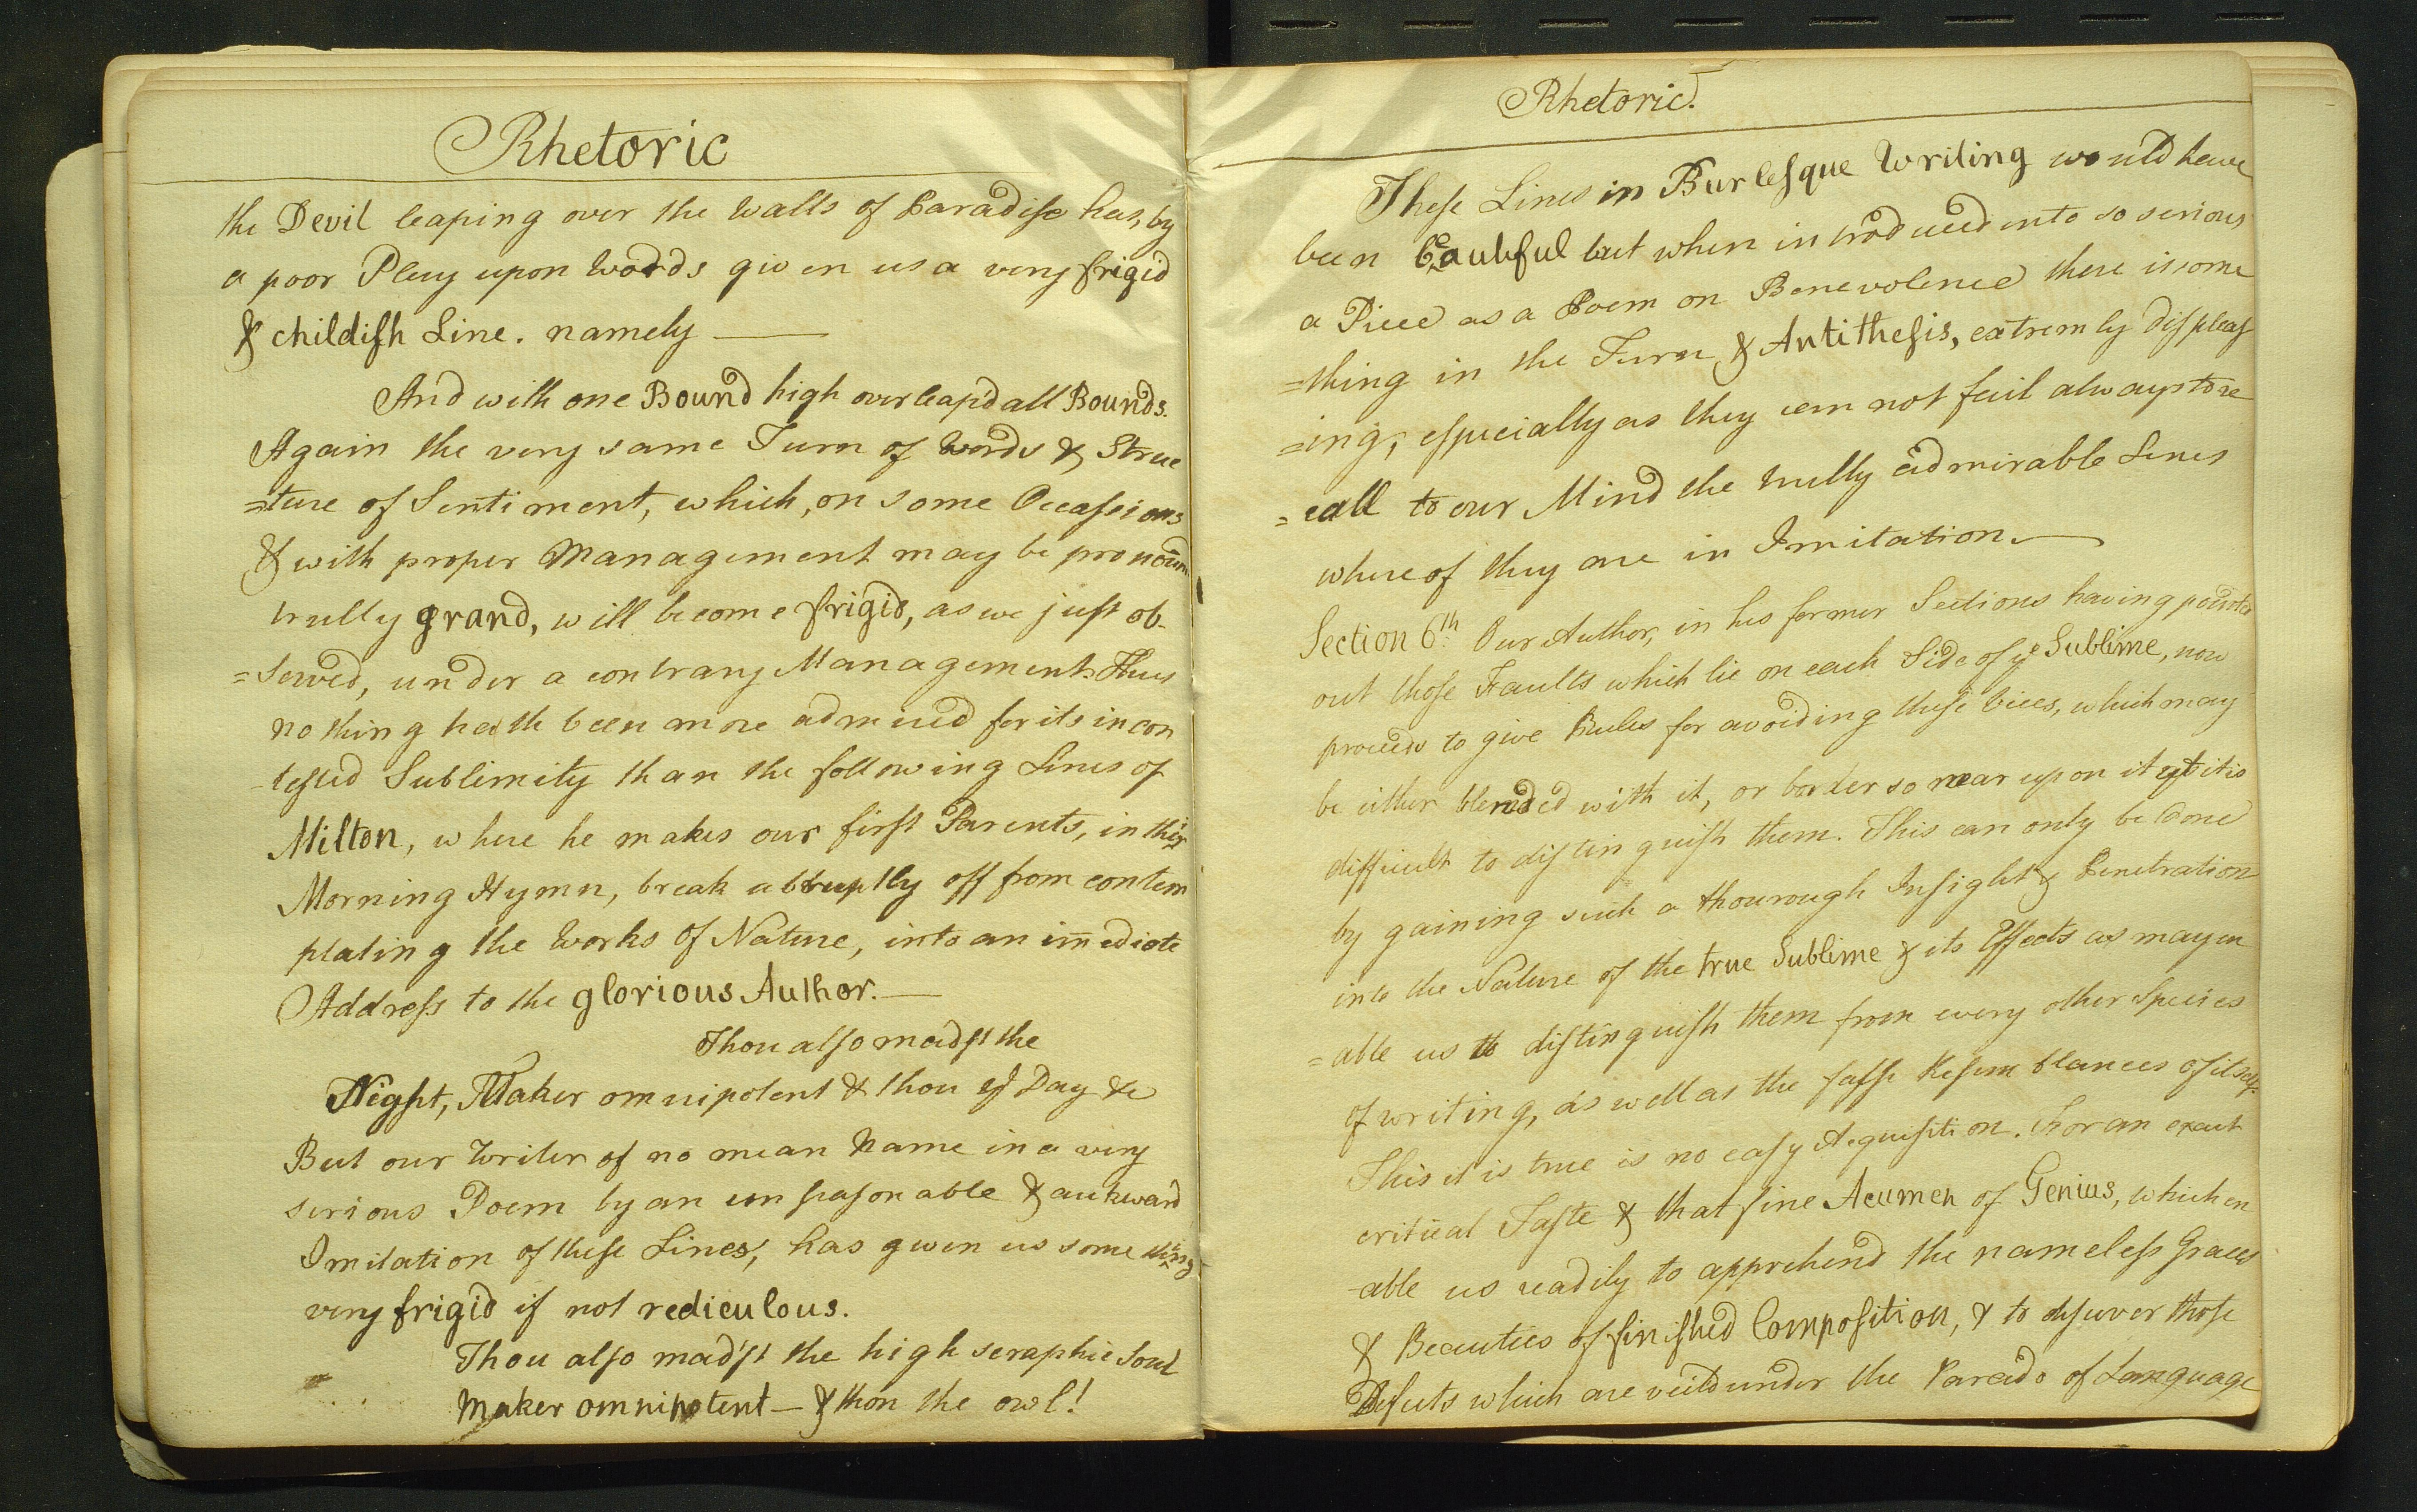Rhetoric
the Devil leaping over the walls of Paradise has, by
a poor Play upon words given us a very frigid
& childish Line. namely-
And with one Bound high overleap'd all Bounds.
Again the very same Turn of Words & Struc
-ture of Sentiment, which, on some Occasions
& with proper Management may be pronounced
truly grand, will become frigid, as we just ob-
-served, under a contrary Management. Thus
nothing hath been more admired for its incon
-tested Sublimity than the following Lines of
Milton, where he makes our first Parents, in the
Morning Hymn, break abruptly off from contem
plating the works of Nature, into an im̄ediate
Address to the glorious Author.-
Thou also madst the
Night, Maker omnipotent & thou ye Day &
But our Writer of no mean name in a very
serious Poem by an unreasonable & awkward
Imitation of these Lines, has given us someth^ing
very frigid if not rediculous.
Thou also mad'st the high seraphie Soul
maker omnipotent - & thou the owl!
Rhetoric.
These Lines in Burlesque Writing would have
been b^eautiful but when introduced so serious
a Piece as a Poem on Benevolence there is some
-thing in the Form & Antithesis, extremely displeas
-ing, especially as they can not fail always to re
-call to our Mind the trully admirable Lines
whereof they are in Imitation-
Section 6^th Our Author, in his former Sections having pointed
out these Faults which lie on each Side of y^e Sublime, now
proceeds to give Rules for avoiding these vices, which may
be either blended with it, or border so near up on it y^t it is
difficult to distinguish them. This can only be done
by gaining such a thorough Insight & Penetration
into the Nature of the true Sublime & into Effects as may en
-able us to distinguish them from every other Species
of writing, as well as the false Resemblances of itself.
This it is true is no easy Acquisition. For an exact
critical Taste & that fine Acumen of Genius, which en
-able us readily to apprehend the nameless Graces
& Beauties of finished Composition, & to discover those
Defects which are veil'd under the Parade of Language